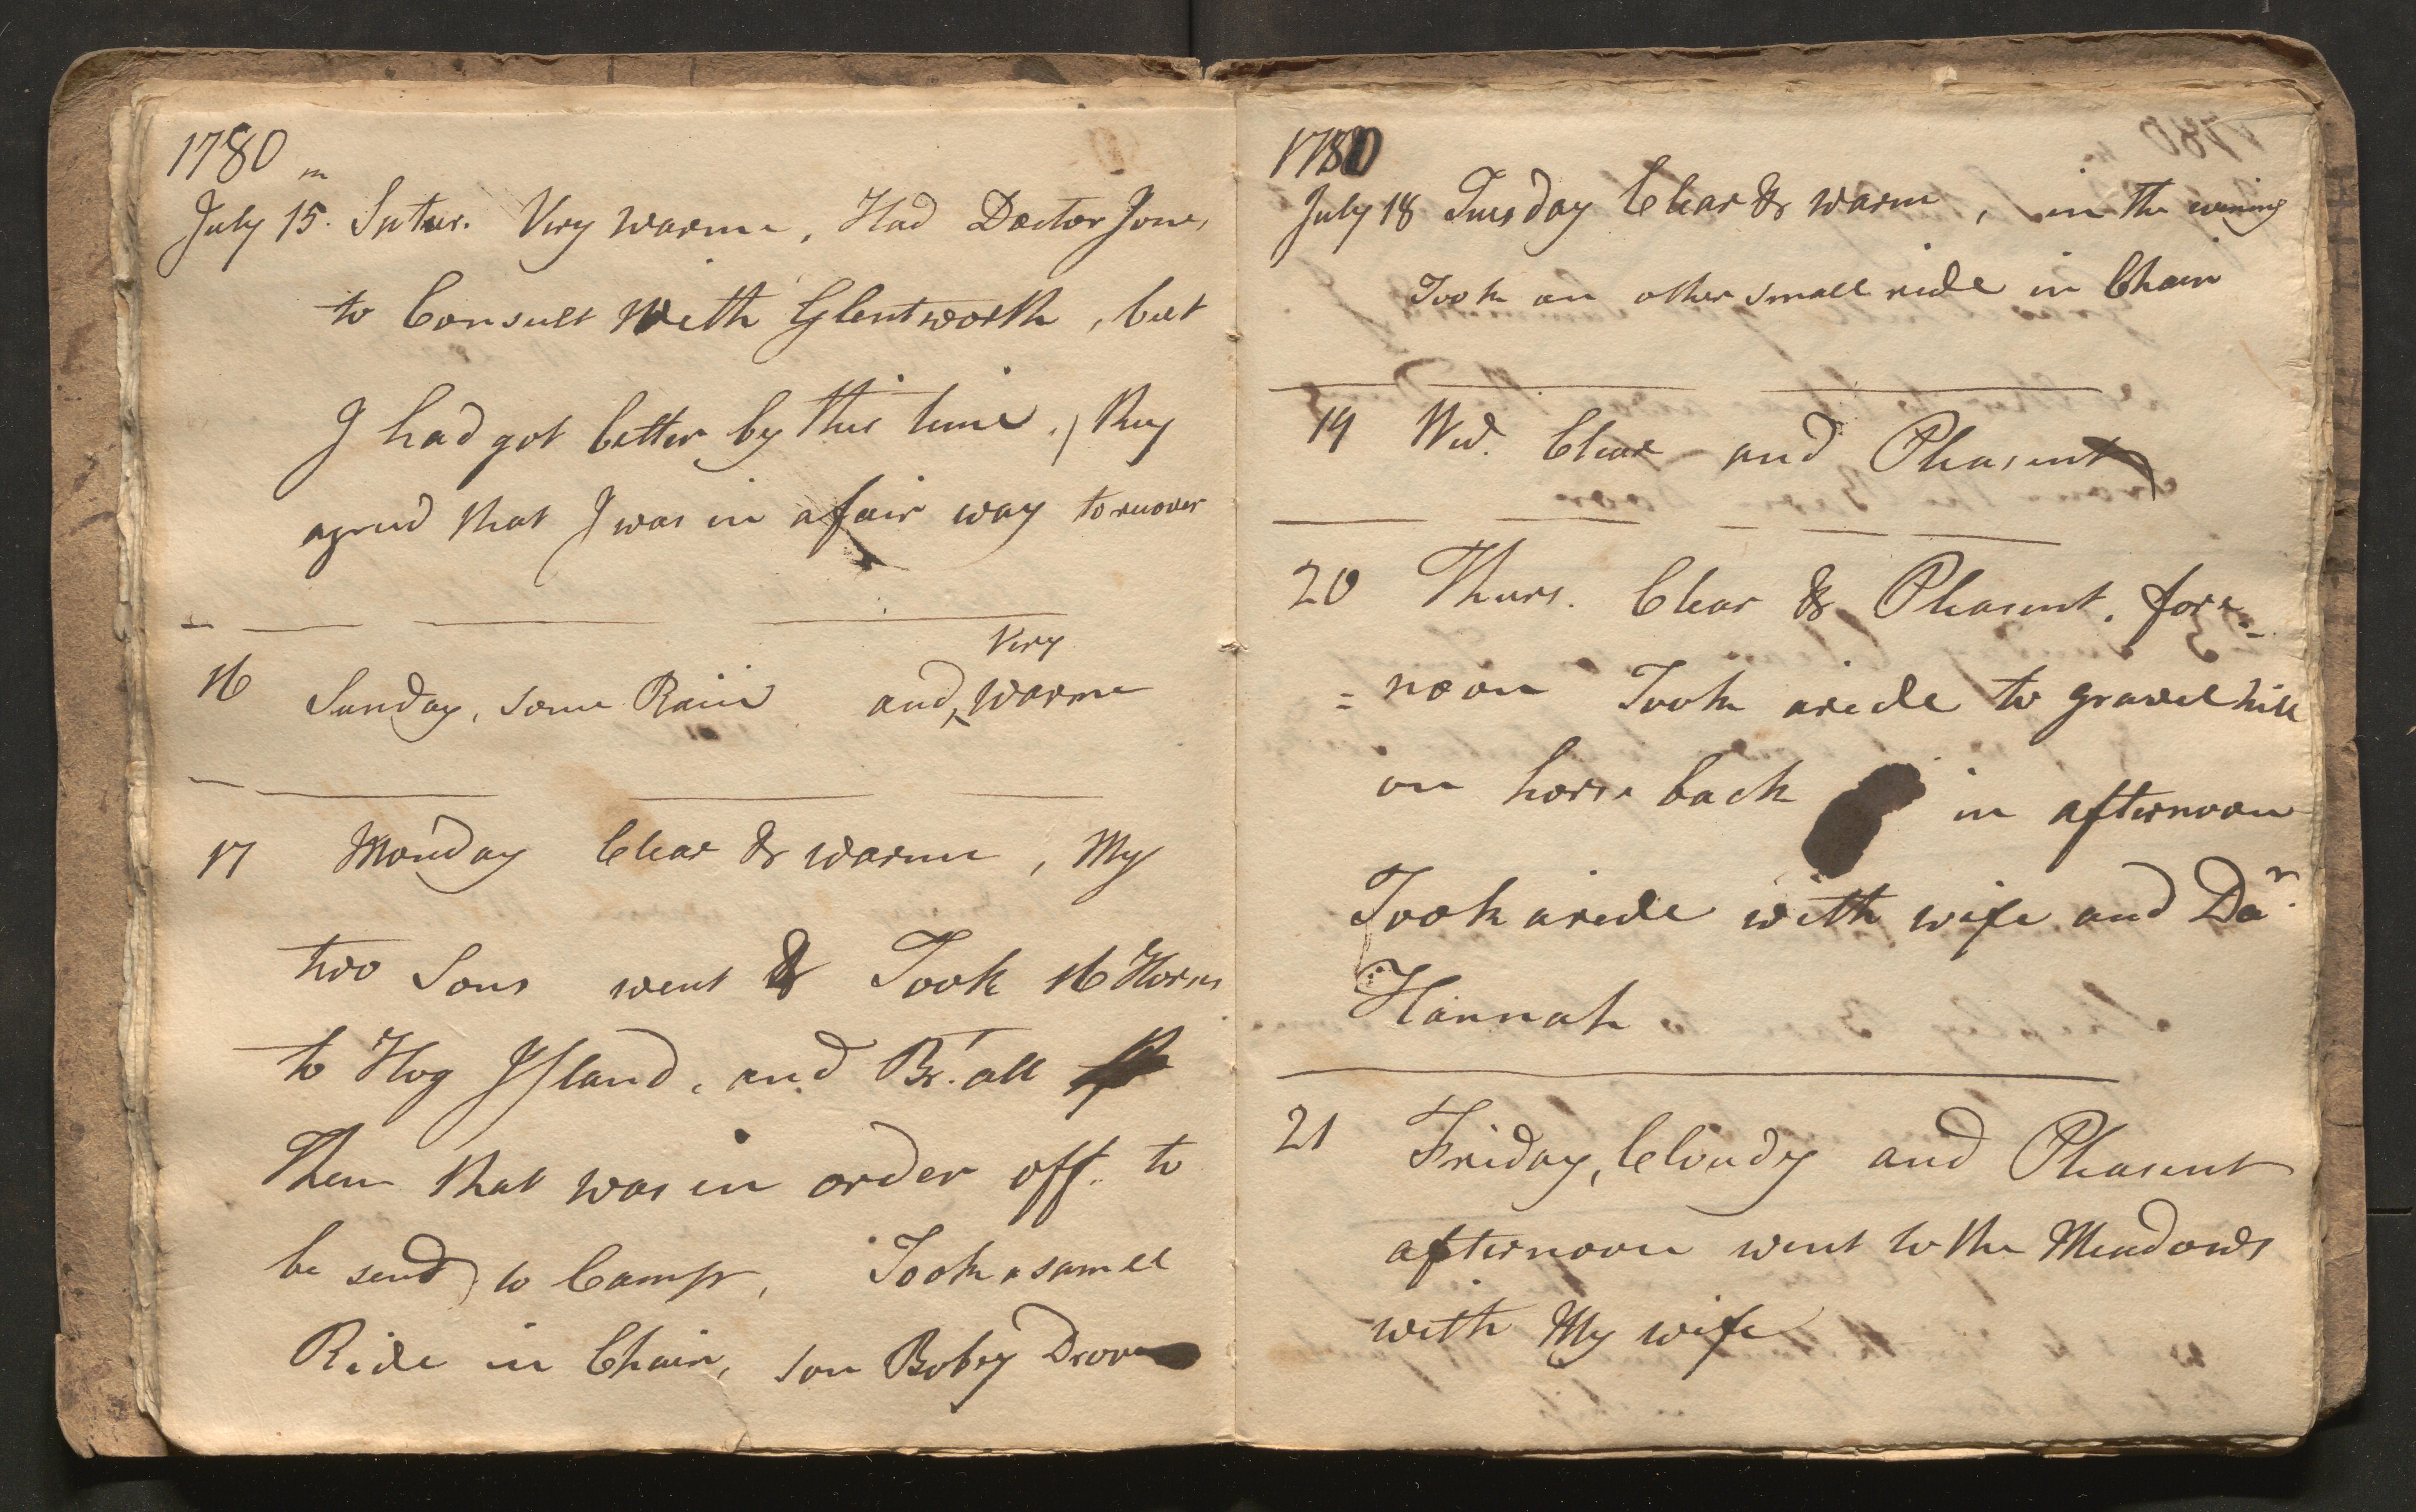1780
July 15^th. Satur. Very warme, Had Doctor Jones
to Consult With Glentworth, but
I had got better by this time, they
agreed that I was in a fair way to recover
Very
16 Sunday, some Rain and ^ warme
17 Monday Clear & Warme, My
two Sons went & Took 16 Horses
to Hoy Island. and Br^t. all
Them that was in order off. to
be send to Camp, Took samll
Ride in Chair, son Bobey Drove
1780
July 18 Tuesday Clear & warm, in the evening
Took an other small ride in Chair
19 Wed. Clear and Pleasent
20 Thurs. Clear & Pleasent. for
noon Took a ride to gravel hill
on horse back
in afternoon
Took a ride with wife and Da^r.
Hannah
21 Friday Cloudy and Pleasent
afternoon went to the Meadows
with My wife